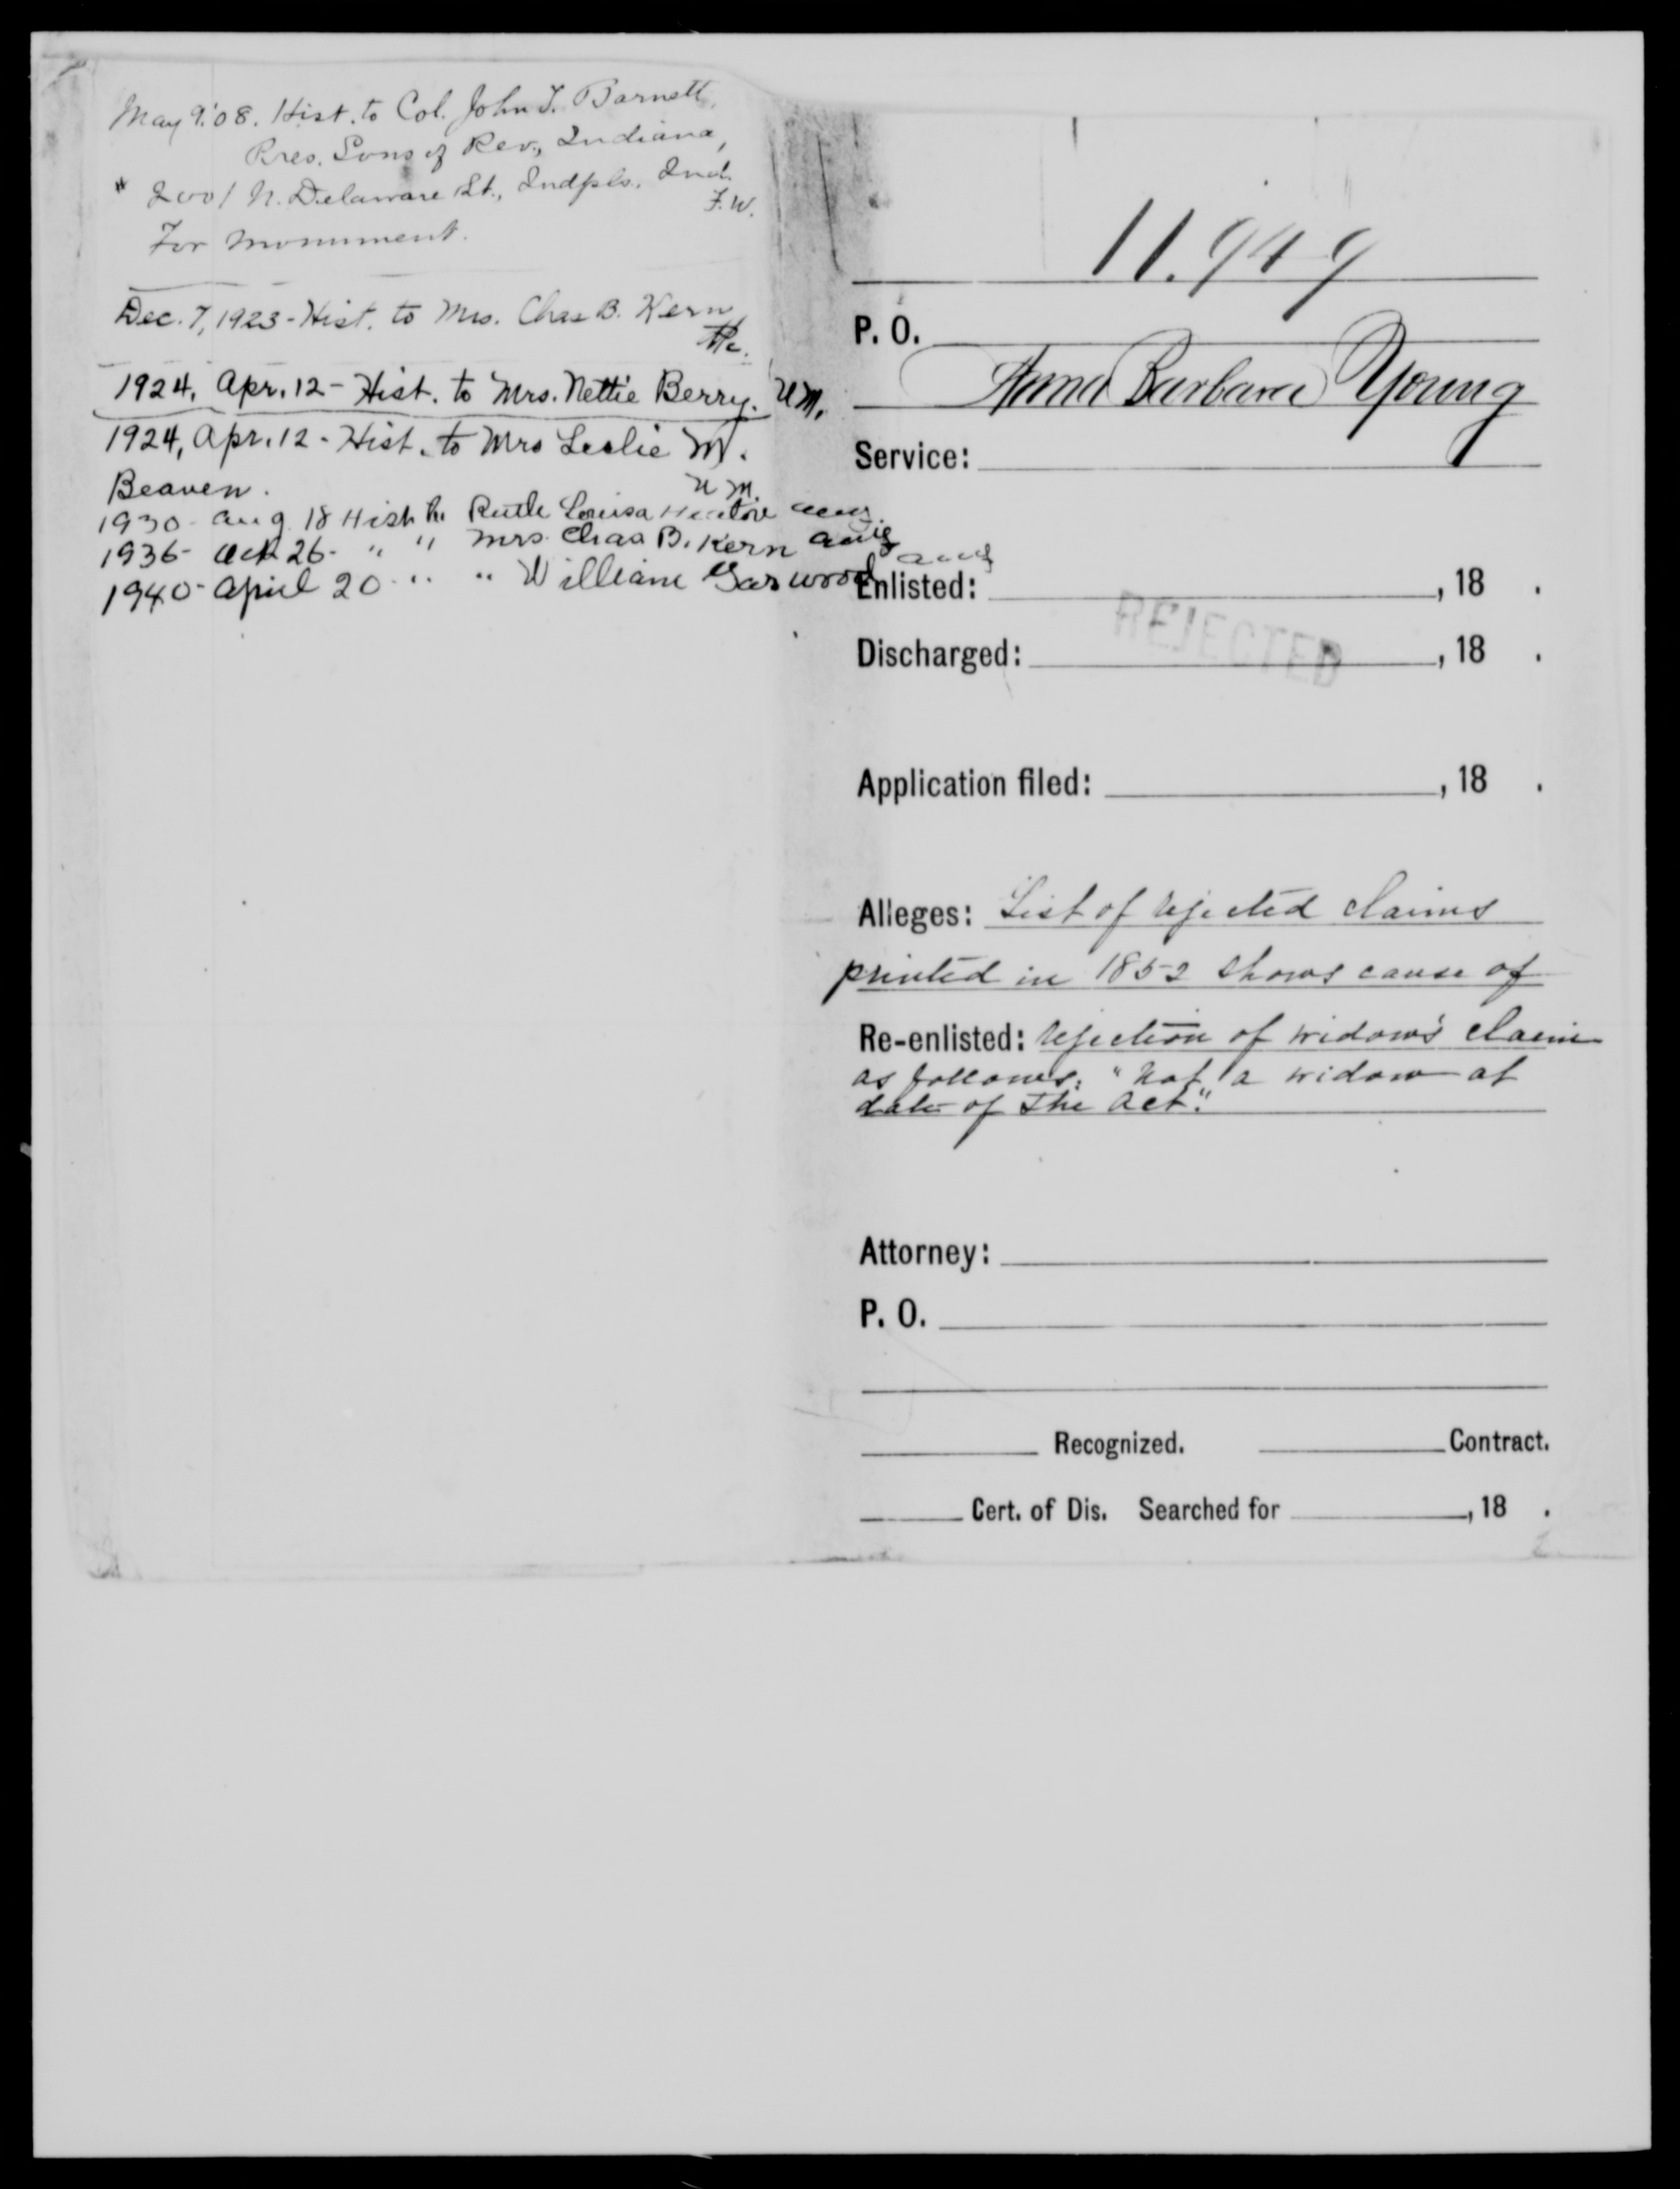May 9.08. Hist. to Col. John T. Barnett
Pres. Sons of Rev, Indiana
# 2001 N. Delaware St. Indpls, Ind - fw
for monument

Dec. 7, 1923 - Hist. to Mrs. Chas B. Kern - pc
1924, Apr. 12. Hist. to Mrs. Nettie Berry - um

1924, Apr. 12. Hist to Mrs Leslie M. Beaven. - um

1930 Aug 18 Hist. Ruth Louis Heaton - awy
1936 26 " " Mrs Chas B. Kern - awy
1940 - April 20."" William Garwood - awy

11.949
P. O.
Anna Barbara Young
Service:
Enlisted: REJECTED
Discharged:
Application filed:
Alleges: List of rejected claims
printed in 1852 shows cause of
rejection of widow's claim
as follows, “Not a widow at
date of the act.”
Attorney:
P. O.
Recognized.
Cert. of Dis. Searched for
Contract.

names: William Garwood, Anna Barbara Young, Ruth Louisa Heaton, Chas B Kern, John T Barnell, Nettie Berry, Leslie M Beaven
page: 42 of 123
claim: rejected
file: R. 11,949, Matthias Young, Md.